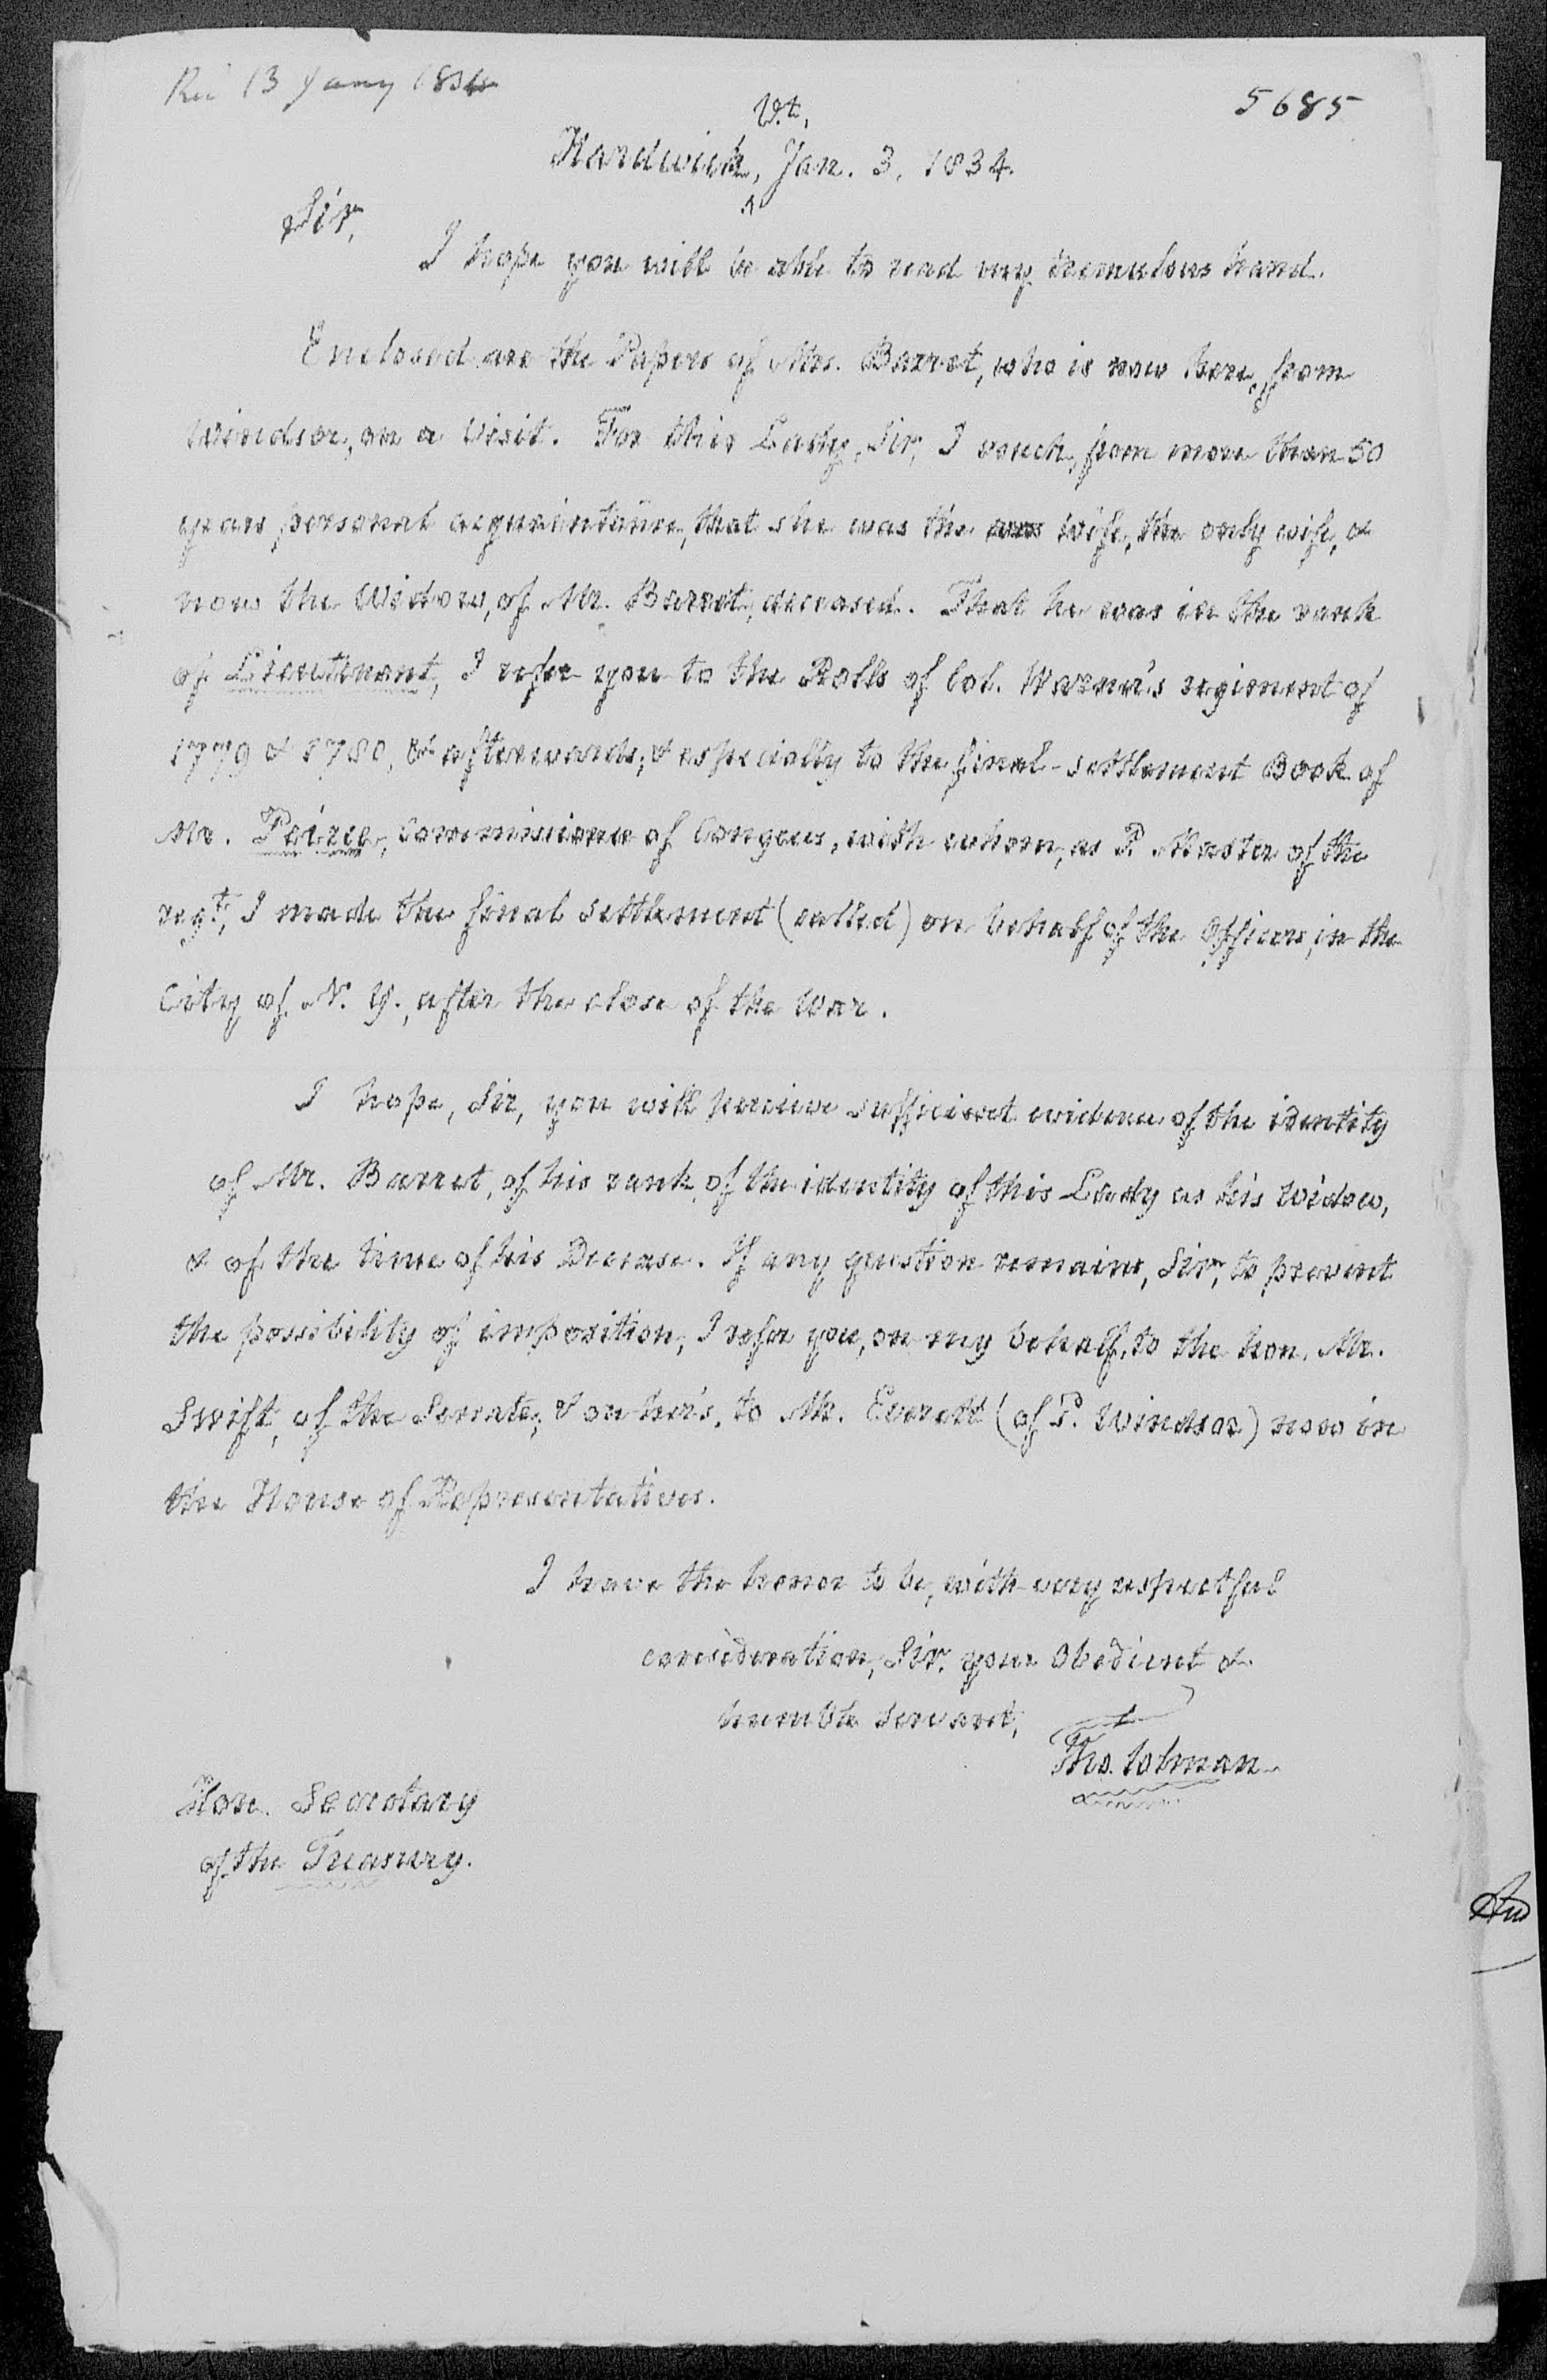Rec 13 Jany 1834

5685

Hardwick, VT Jan 3 1834

Sir, 
I hope you will in able to read my tremulous hand. 
Enclosed are the Papers of Mrs. Barret, who is now here, from Windsor, on a visit. For this Lady, Sir, I vouch from more than 50 years, personal acquaintance, that she was the wife, the only wife and now the Widow of Mr. Barret, deceased. That he was in the rank of Lieutenant, I refer you to the Roll of Col. Warner's regiment of 1779 or 1780 and afterwards, especially to the final settlement Book of Mr. Pierce, commissioner of Congress, with whom, as I Master of the Regt. I made the final settlement (culled) on behalf of the officers in the City of N.Y. after the close of the war. 
I hope, sir, you will perceive sufficient evidence of the identity of Mr. Barret of his rank, of the identity of this Lady as his widow, and of the time of his decease. If any question remains, sir, to prevent the possibility of imposition, I refer you, on my behalf to the Hon. Mr. Swift, of the Senate and on his to Mr. Everett (of s. Windsor) now in the House of Representatives. 
I have the honor to be with very respectful consideration, Sir, your obedient and 
humble servant
Tho. Tolman

Hon. Secretary 
of the Treasury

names: Tho Tolman, Barret, Barret, Everett, Barret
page: 53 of 83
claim: widow's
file: W. 10,384, Oliver Barrett, Continental (Vt.) N.Y.